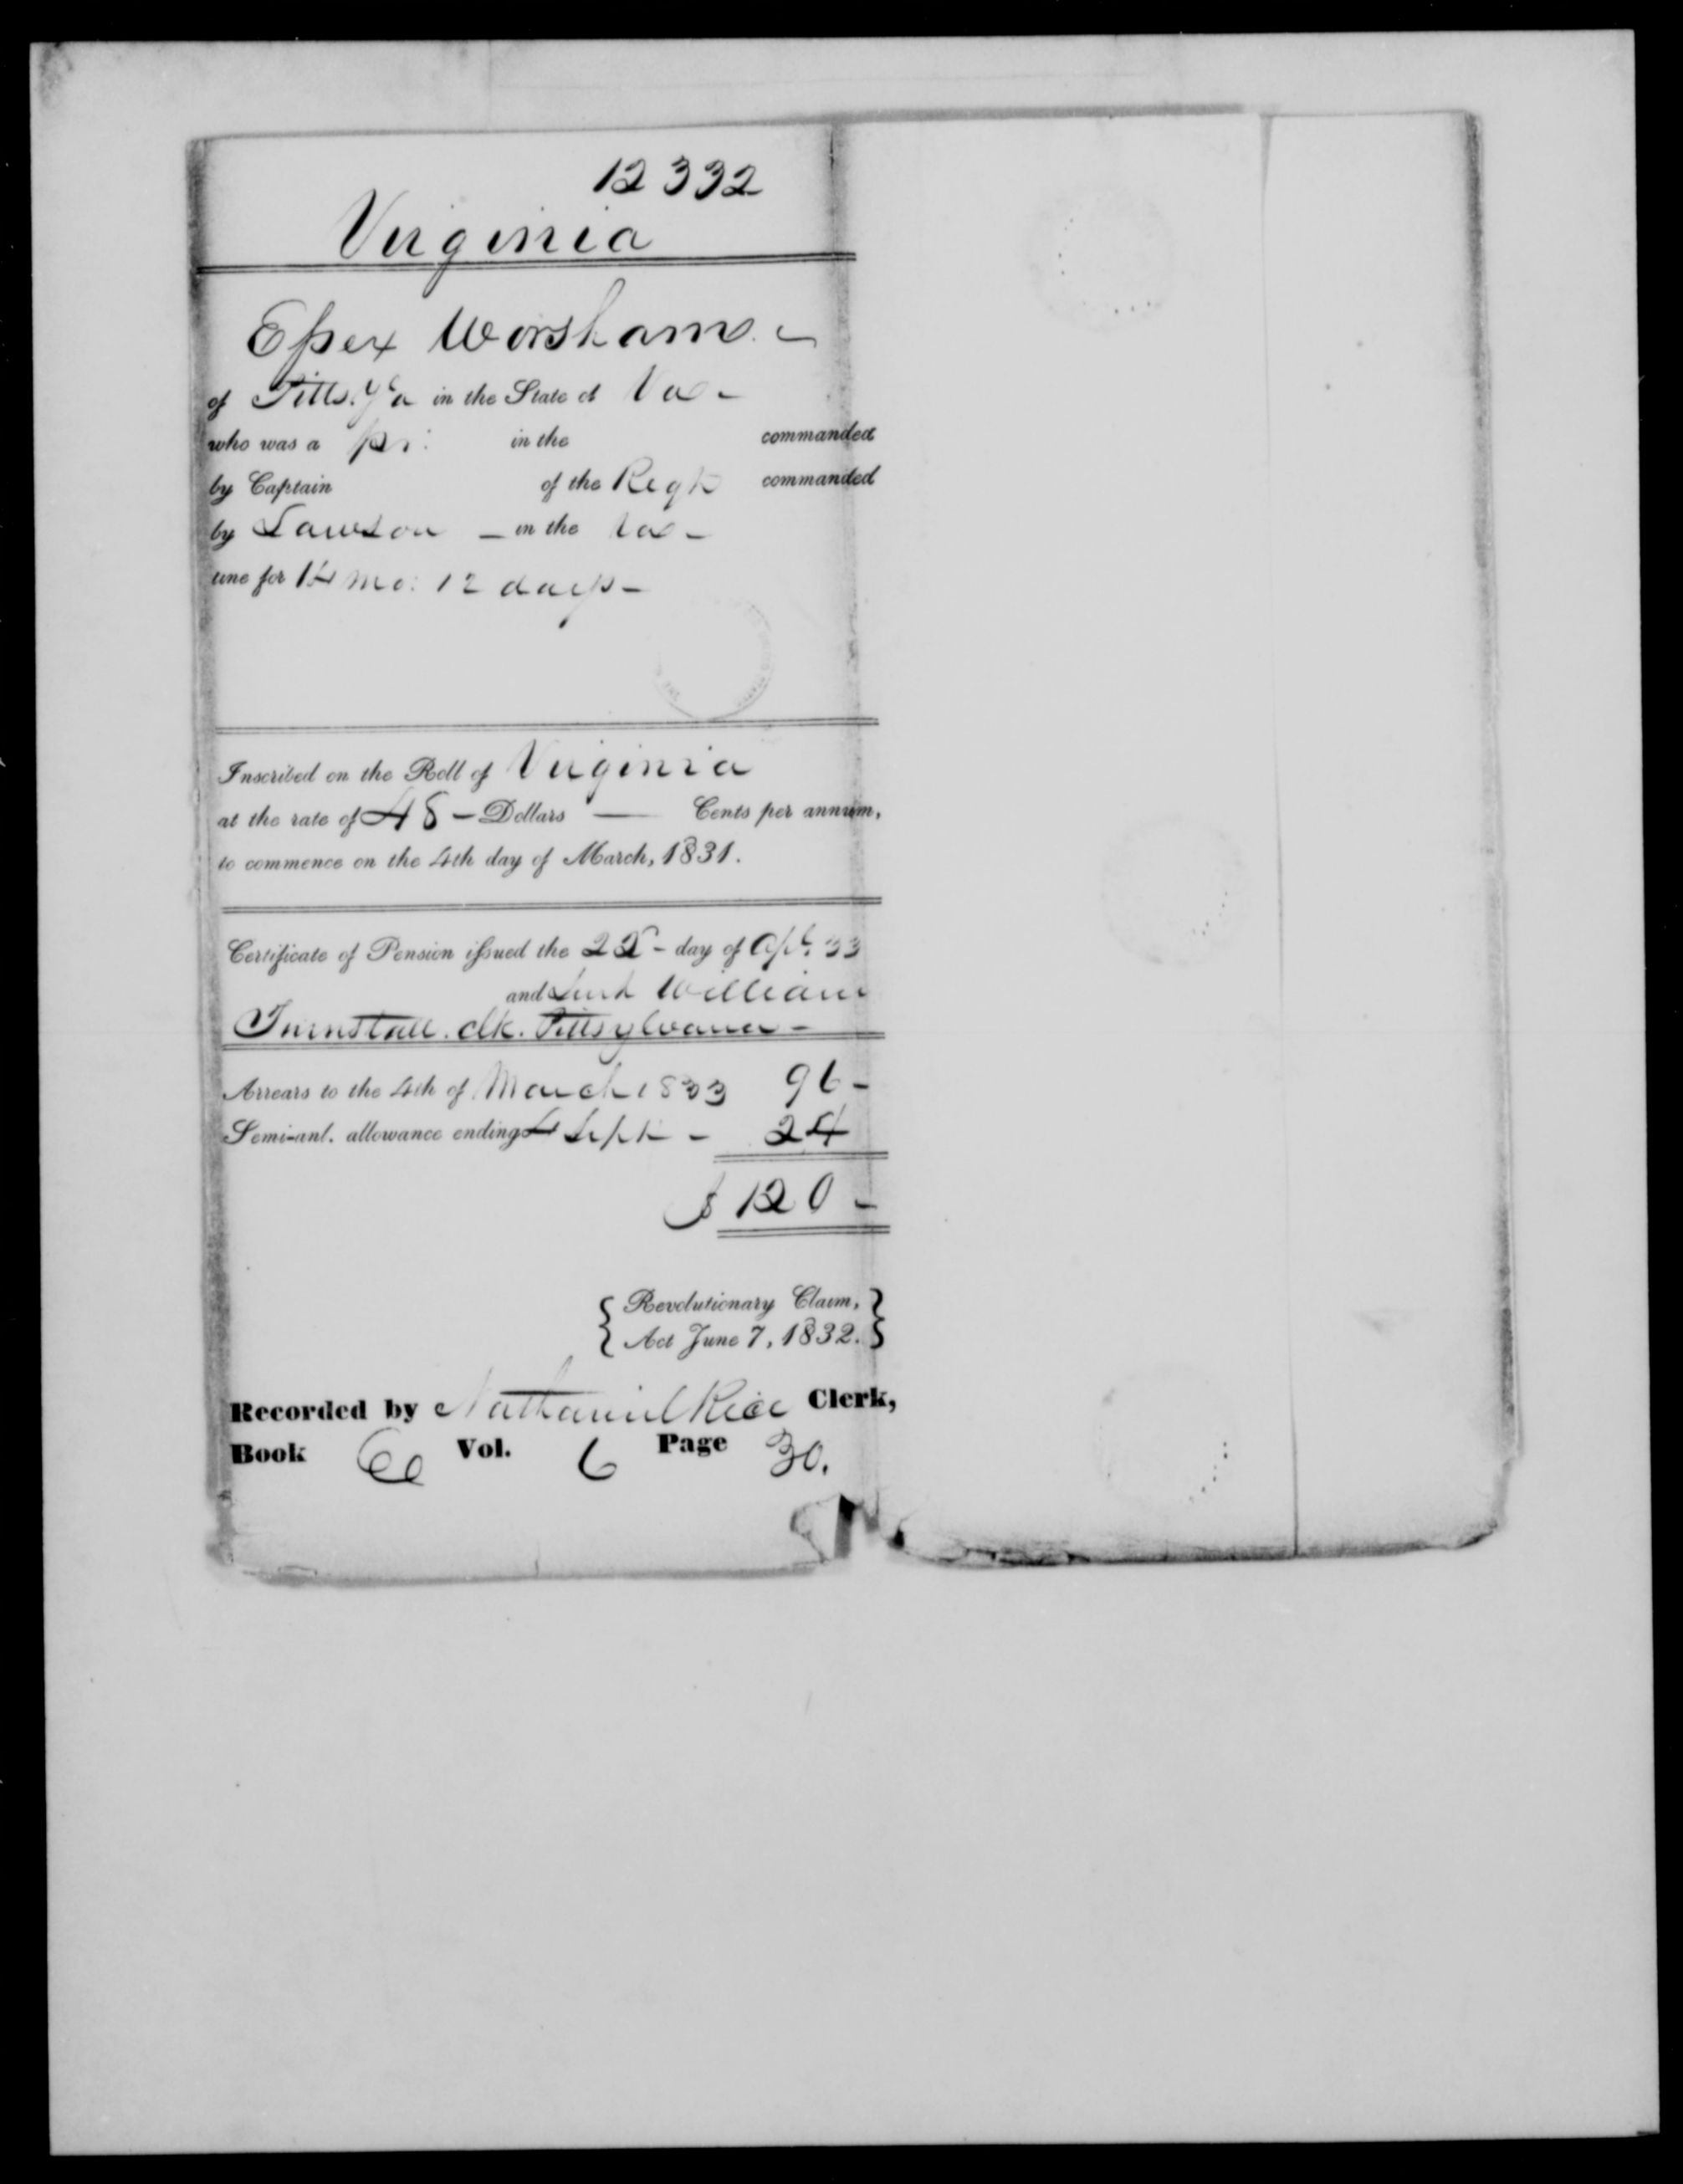12332
Virginia
Epex [Essex] Worsham
of Pitts, {illegible] in the State of Va 
who was a pr[blank] in blank] commanded
By Captain [blank] of the [Ri [illegible commanded 
by Lawson in the [illegible] _
time 14 mos: 12 days_
Inscribed on the Roll of Virginia
at the rate of 45-Dollars - Cents per annum,
to commence on the 4th day of March, 1834.
Certificate of Penson issued [sfsued] the 22-day of [illegible] 33
and {liiegible] Williams
Turnsaill.clk.Pittsylvania
Arrears to the 4th of March 1833  [$]96
Semi-anual allowance ending 4 Sept. [$]24 $120

Revolutionary Claim,
Act June 7, 1832.
Recorded by Nathan Rice Clerk,
Book 3 
Vol. 6 
Page 30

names: Lawson, Nathaniel Rice, William Turnstall, Essex Worsham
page: 2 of 16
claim: survivor's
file: S. 6,447, Essex Worsham, Va.